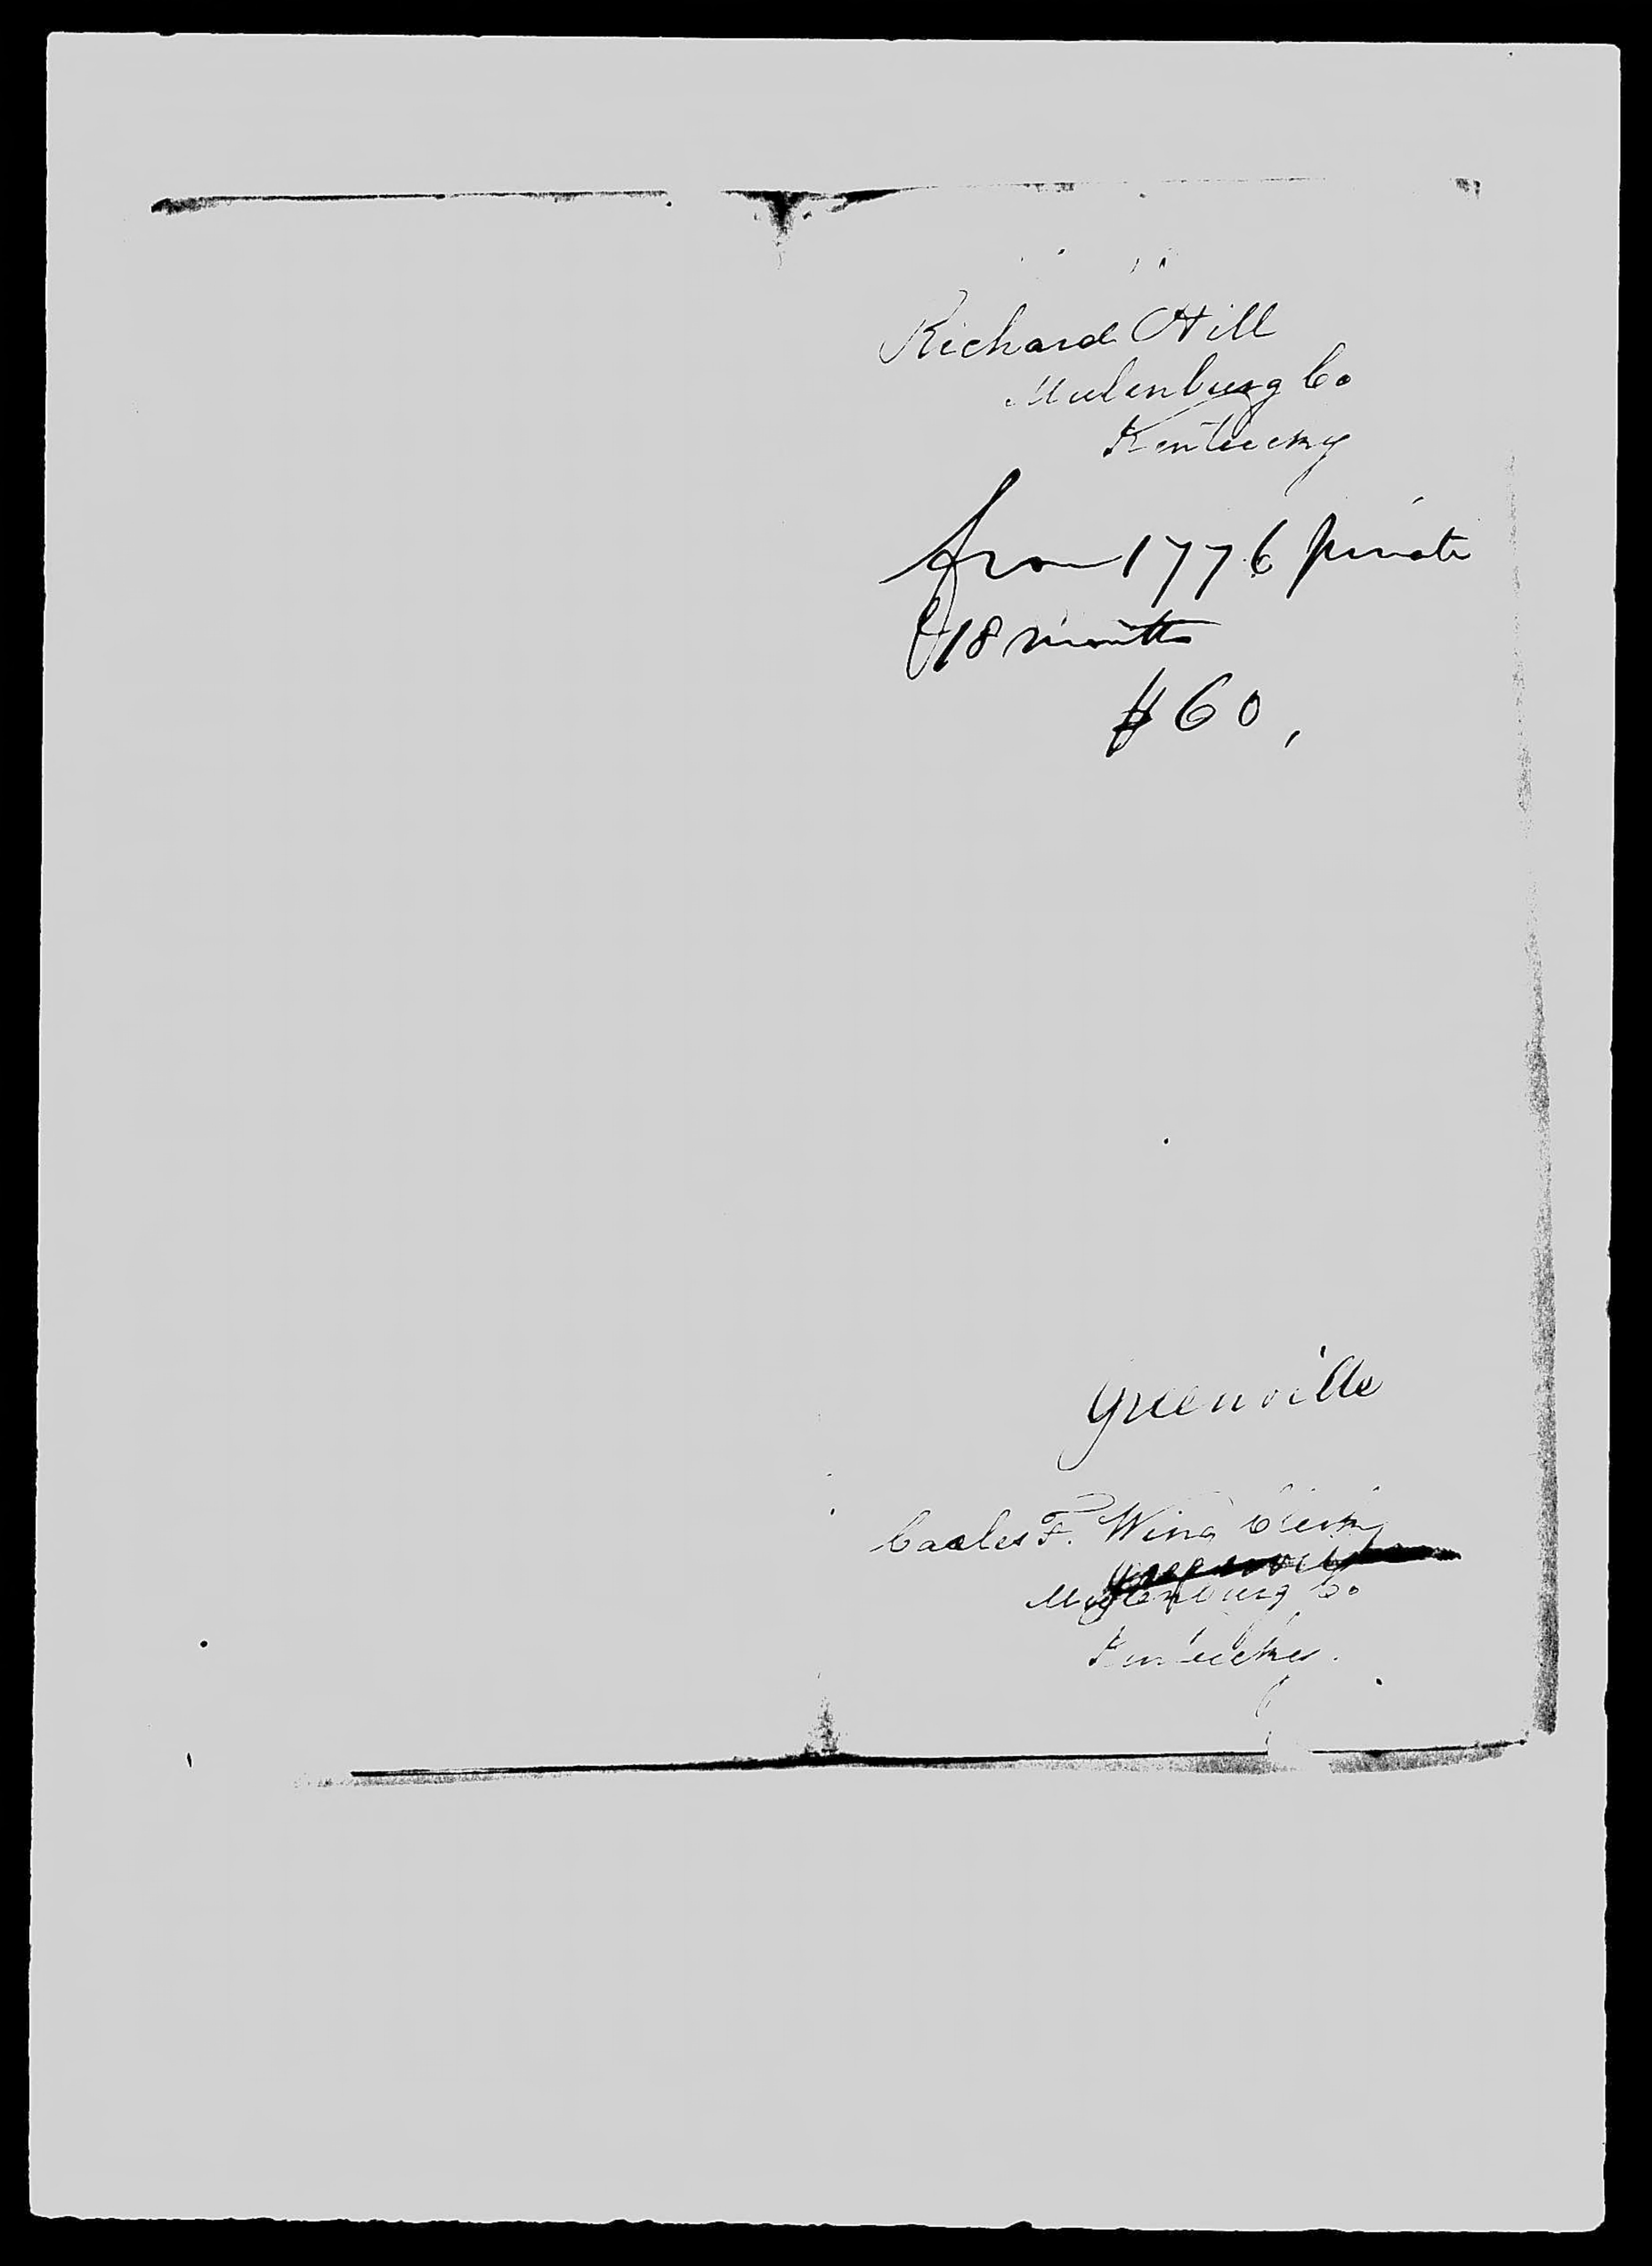Richard Hill 
Mulenburg Co [Muhlenberg County]
Kentucky 
from 1776 private 18 month 
$60 

Greenville

Carles F. Wing Clerk 
Mulenburgh Co [Muhlenberg County] Kentucky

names: Richard Hill, Carles F Wing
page: 12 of 27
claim: rejected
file: R. 5006, Richard Hill, N.C.